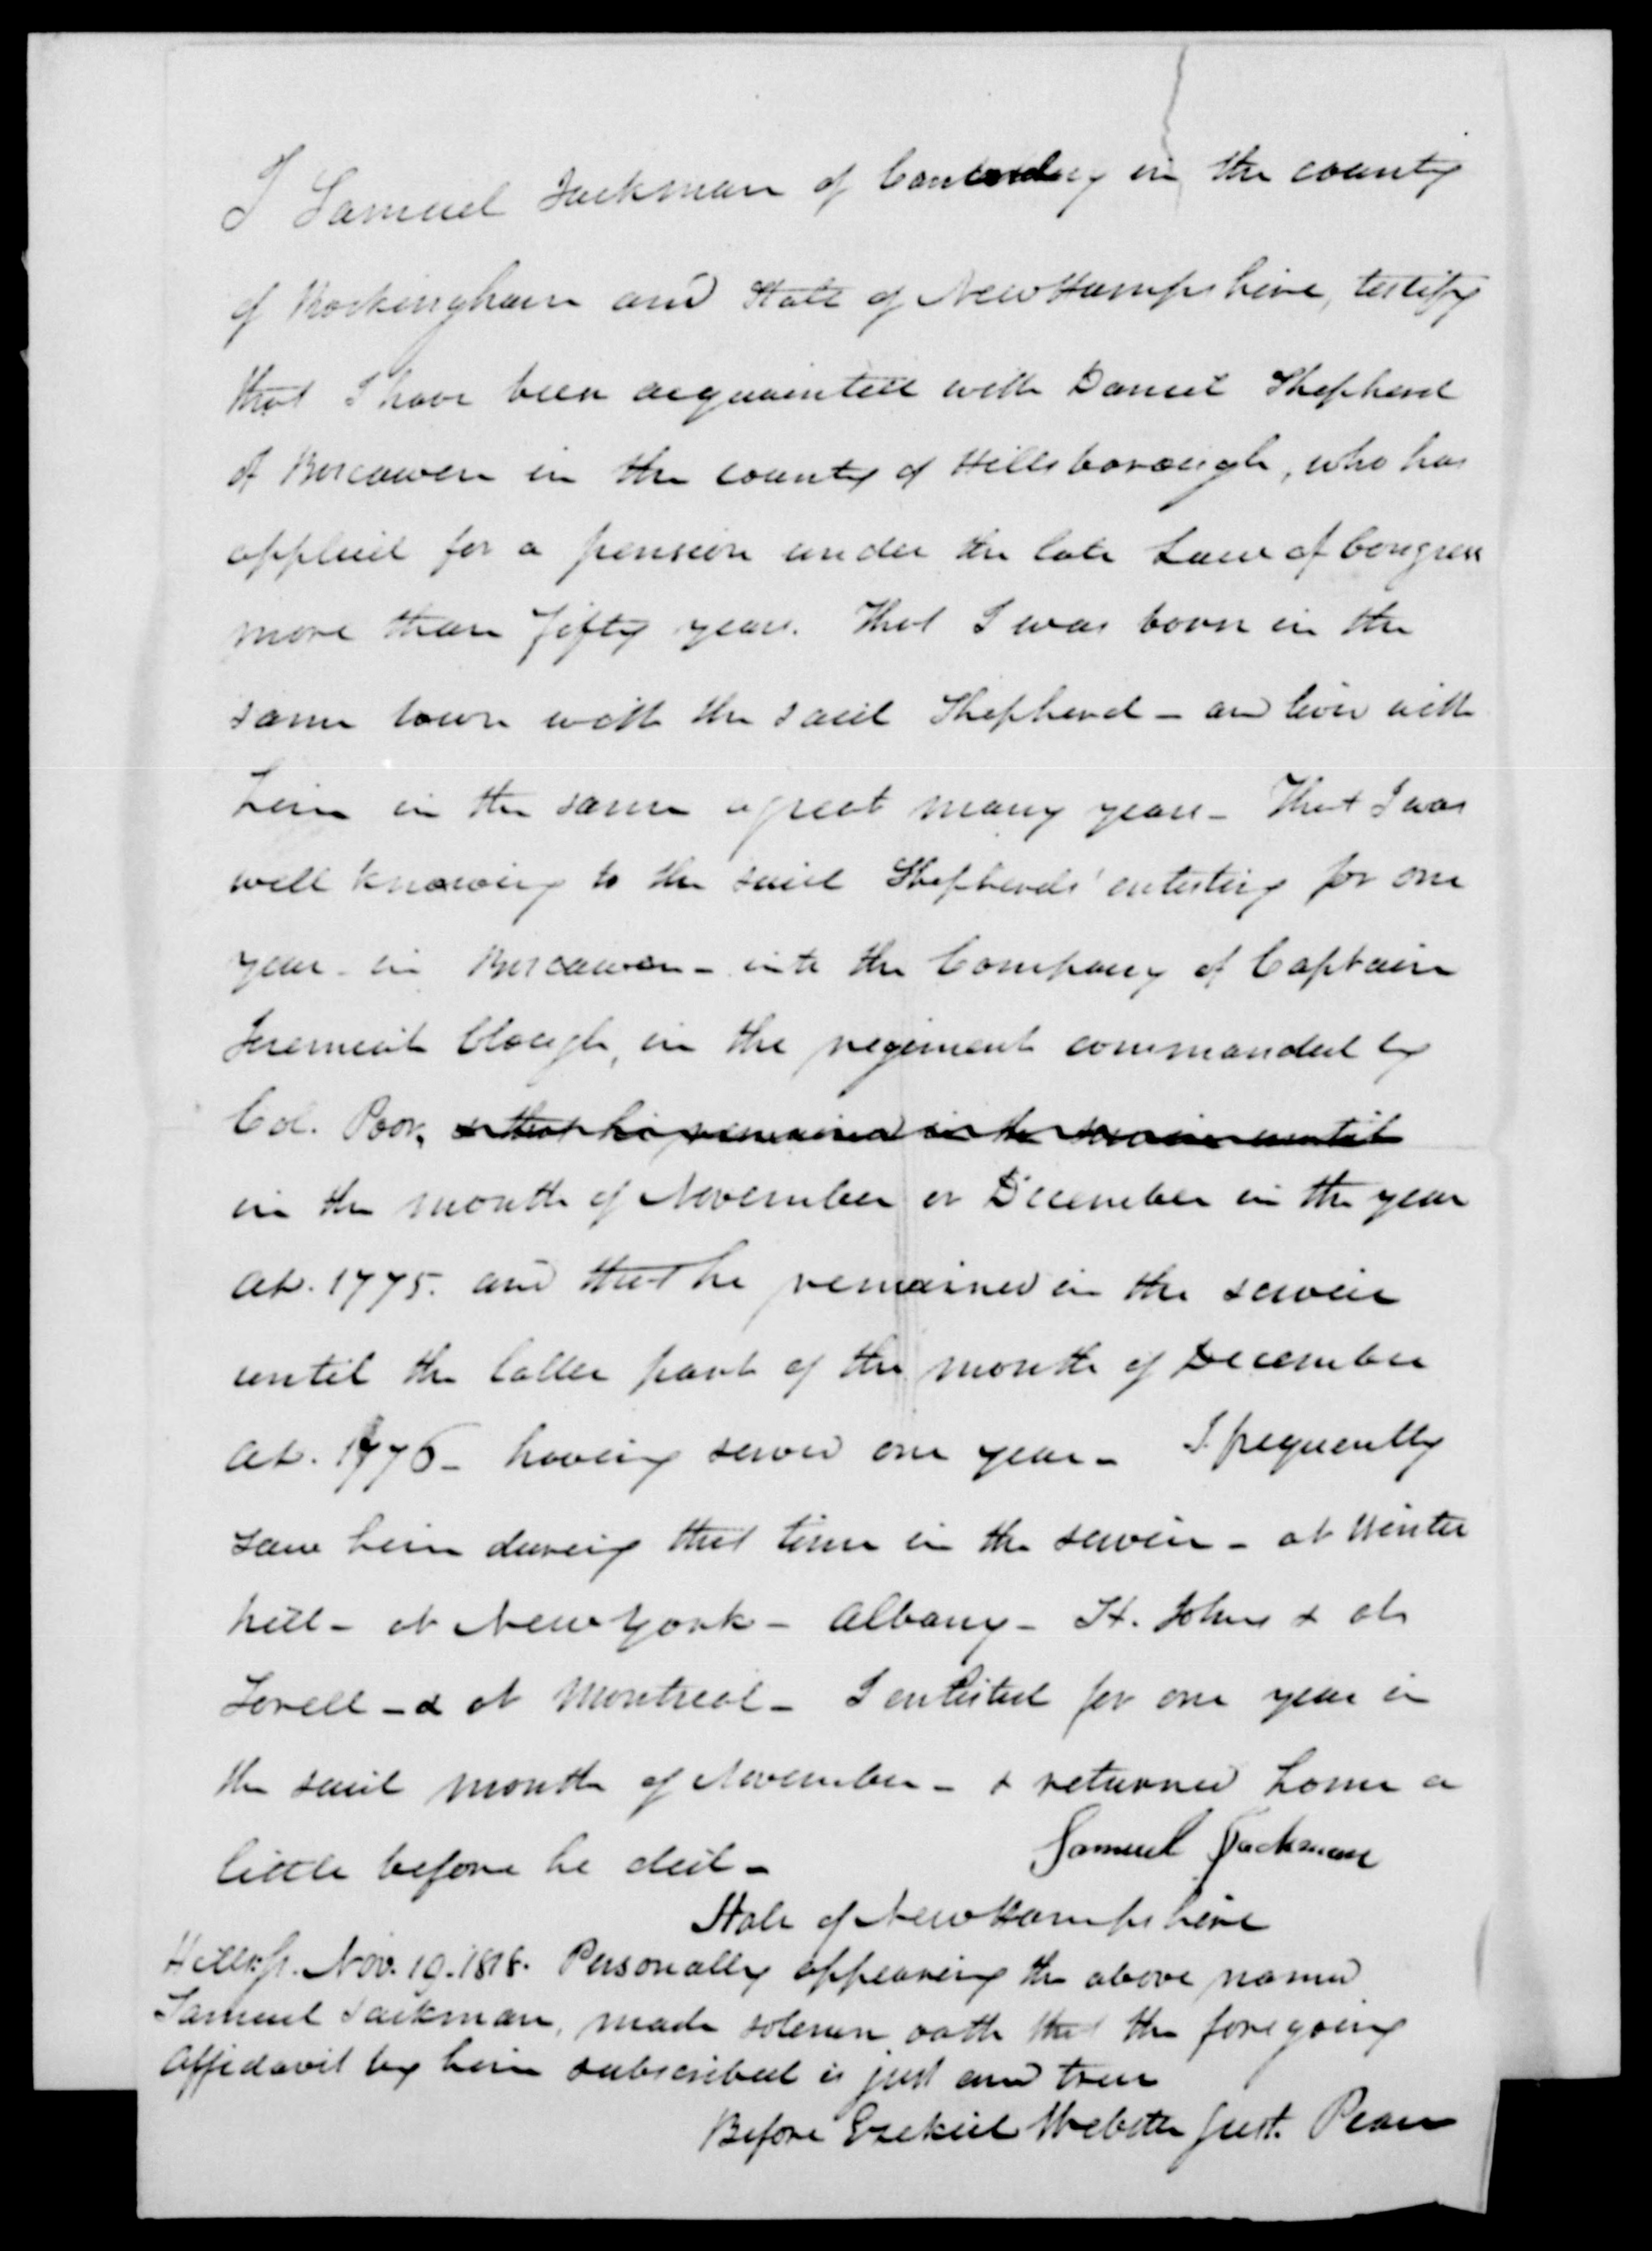Sam
I Samuel Jackman of Concord in the County
of Rockingham and State of New Hampshire, testify
that I have been acquainted with Daniel Shepherd
of Boscawen in the County of Hillsborough, who has
applied for a pension under the late Law of Congress
more than fifty years. That I was born in the same
town with the said Shepherd and live with
him in the same a great many years. That I was
well knowing to the said Shepherds enlisting for one
year in Boscawen into the Company of Captain
Jeremiah Clough, in the regiment commanded by
Col. Poor
in the month of November
or December in the year
ad 1775. and that the remained in the service
until the latter part of the month of December
ad 1776 - having served one year. I frequently
saw him during that time in the service- at Winter
hill-- at New York- Albany. St. Johns &
Lowell & at Montreal. I enlisted for one year in
the said month of November & returned home a
little before he did-
[signature] Samuel Jackman
State of New Hampshire
of Nov. 10. 1818. Personally appearing the above named
Samuel Jackman, made solemn oath that the foregoing
affidavit by him subscribed is just and true
Before [signature] Ezekiel Webster Just Peace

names: Samuel Jackman; Daniel Shepherd; [BLANK] Shepherd; Ezekiel Webster; Jeremiah Clough; [BLANK] Poor; Samuel Jackman; Samuel Jackman; [BLANK] Shepherd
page: 25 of 25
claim: survivor's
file: S. 43137, for Daniel Shepard, New Hampshire